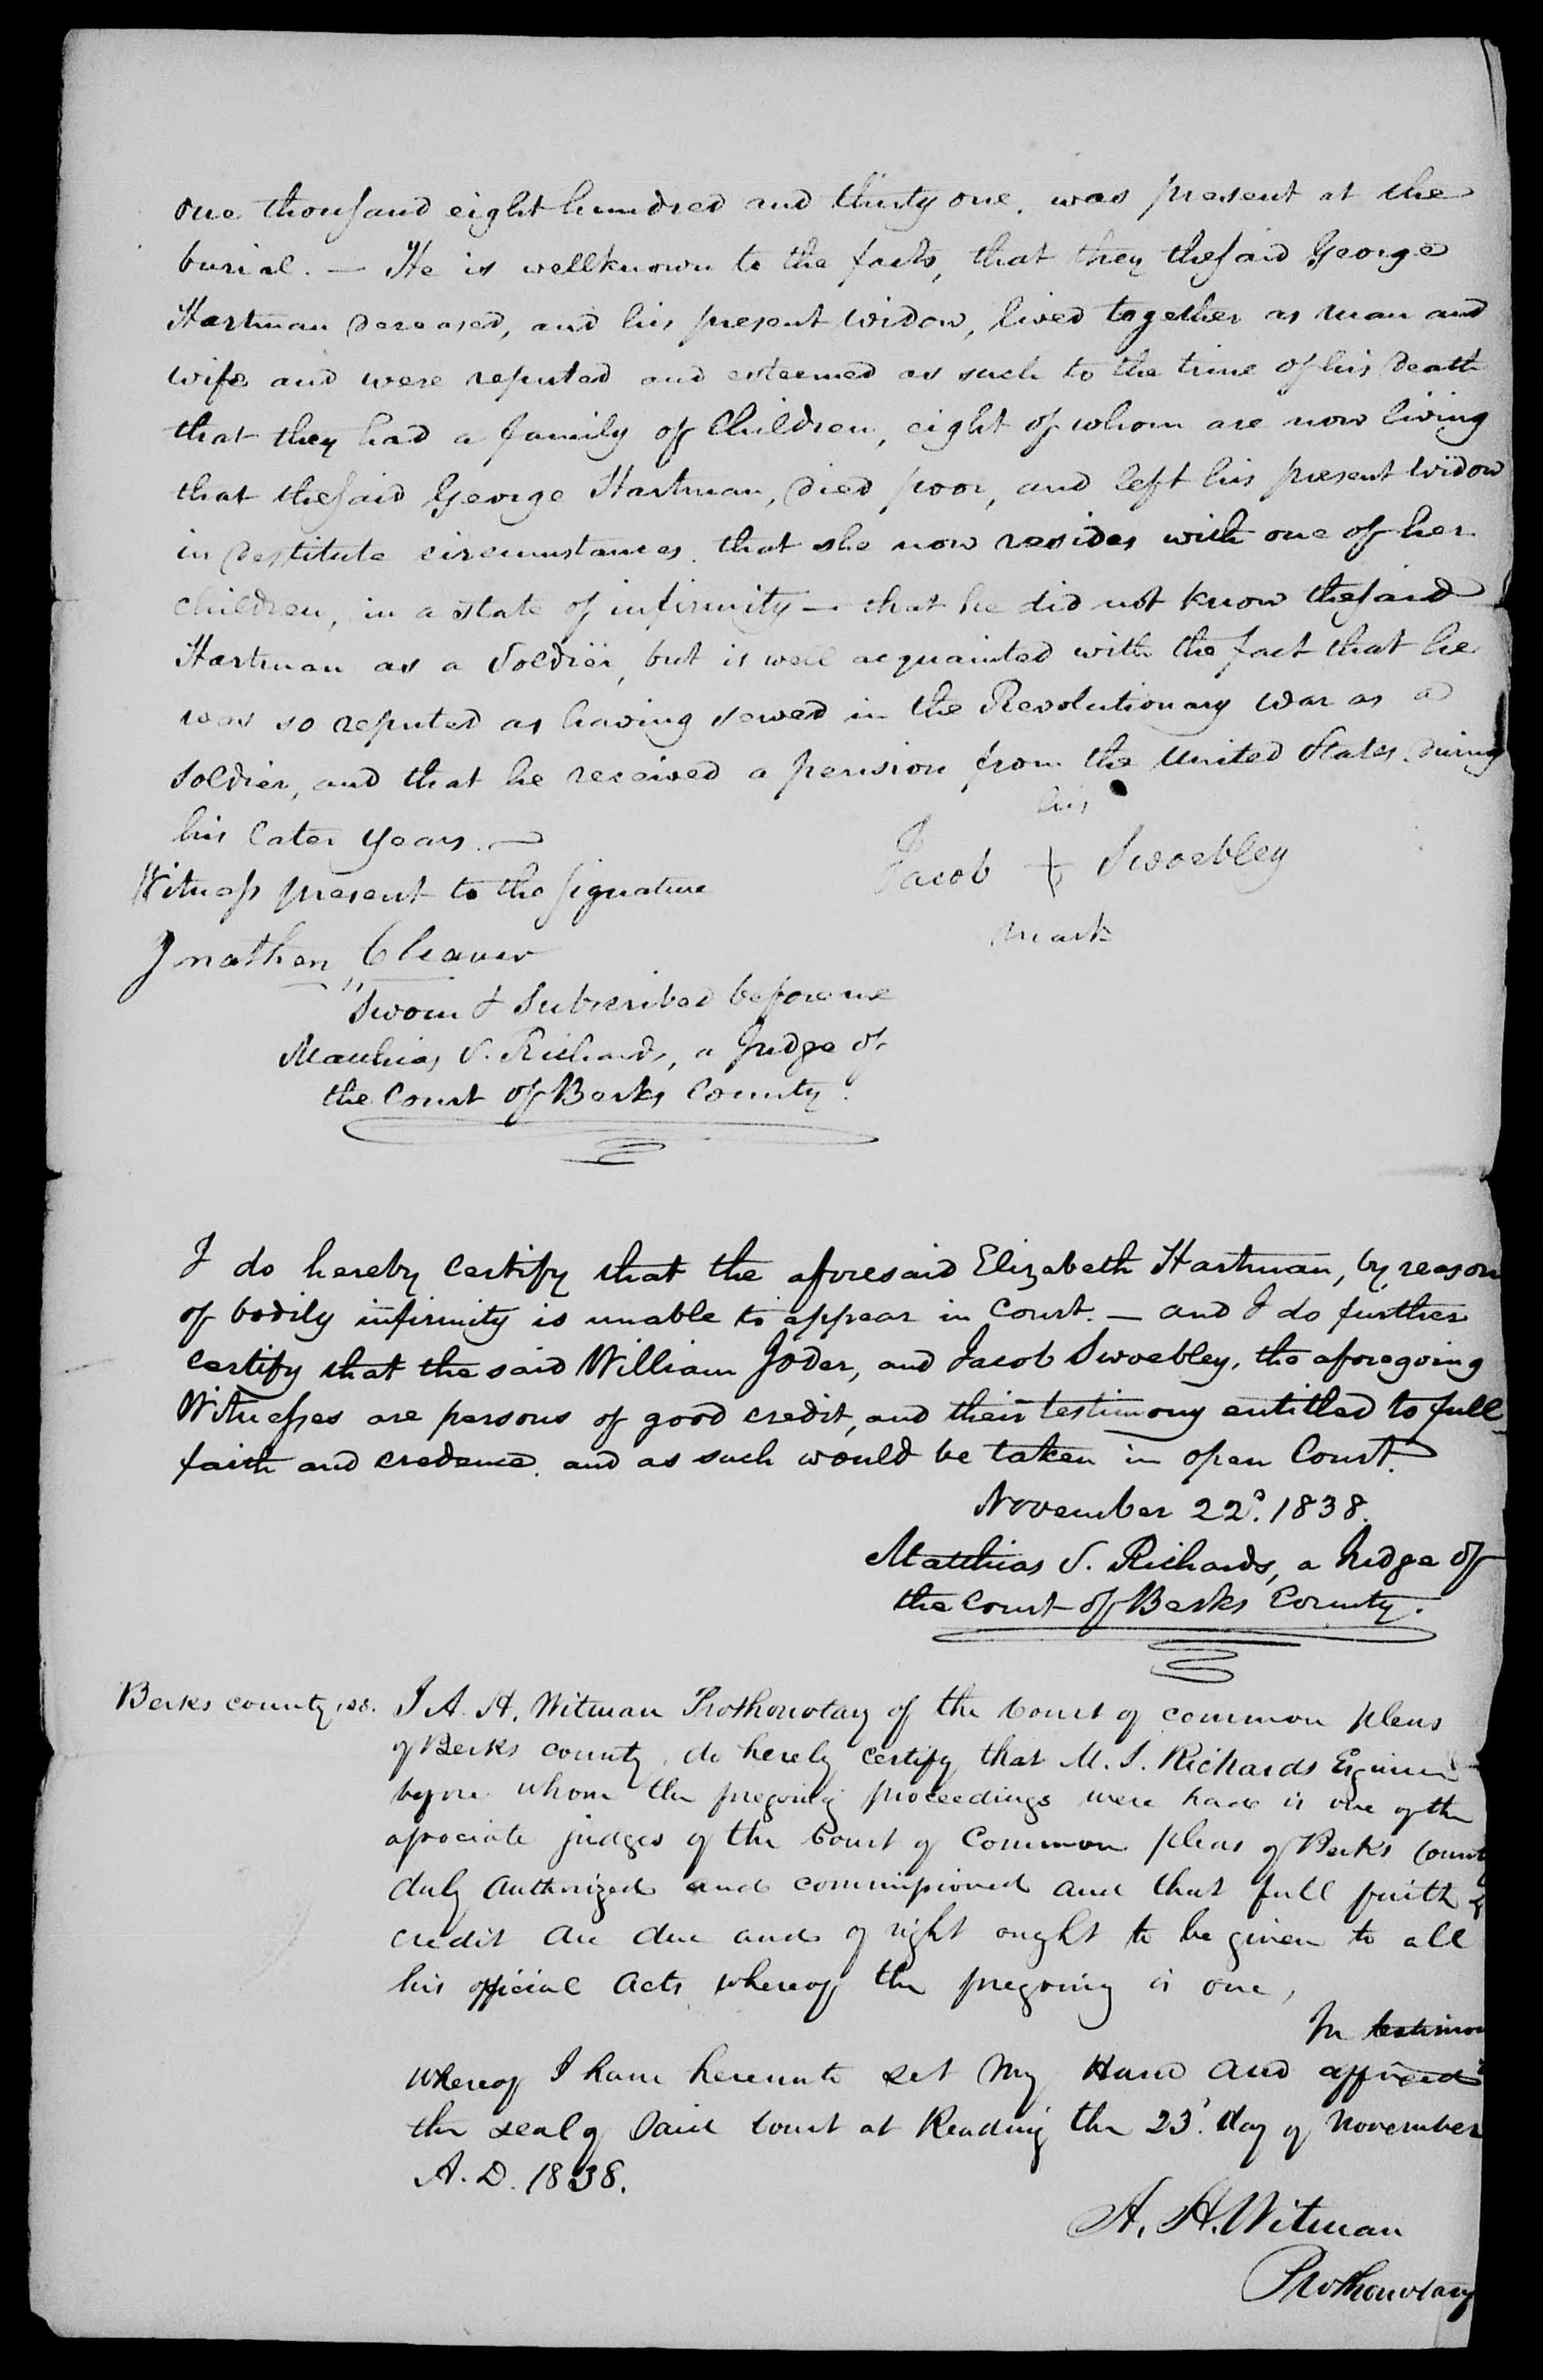one thousand eight hundred and thirty one was present at the
burial.  He is well known to the facts, that they the said George
Hartman deceased, and his present widow, lives together as man and
wife and were reputed and esteemed as such to the time of his death
that they had a family of children, eight of whom are now living
that the said George Hartman, died poor, and left his present widow
in destitute circumstances that she now resides with one of her
children, in a state of infirmity.  that he did not know the said
Hartman as a Soldier, but is well acquainted with the fact that he
was so reputed as having served in the Revolutionary War as a 
Soldier, and that he received a pension from the United States during
his later years.  | his
Witness present to the signature | Jacob + Swoebley
Jonathan Cleaver | mark
Sworn & Subscribed before me
Matthias S Richards, a Judge of
the Court of Berks County

I do hereby certify that the aforesaid Elizabeth Hartman, by reason
of bodily infirmity is unable to appear in Court.  and I do further
certify that the said William Jodar, and Jacob Swoebley, the the aforegoing
Witnesses are persons of good credit, and their testimony entitled to full
faith and credence and as such would be taken in open Court.
November 22nd 1838
Matthias S Richards, a Judge of
the court of Berks County

Berks county ss.  I A.H. Witman Prothonotary of the court of common pleas
of Berks county do hereby certify that M. S. Richards Esquire
before whom the foregoing proceedings were made is one of the
associate judges of the Court of Common pleas of Berks County
duly Authorized and commissioned and that full faith &
credit Are due and of right ought to be given to all
his official Acts where of the foregoing is one.
In testimony
Whereof I have hereunto set my Hand and affixed
the seal of said Court at Reading the 23'd day November
A.D. 1838
A. H. Witman
Prothonotary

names: M S Richards, Matthias S Richards, Jonathan Cleaver, Jacob Swoebley, Hartman, Matthias S Richards, William Jodar, Elizabeth Hartman, Jacob Swoebley, George Hartman, A H Witman, George Hartman, A H Witman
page: 13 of 29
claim: widow's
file: W. 2,789, George Hartman, New Jersey